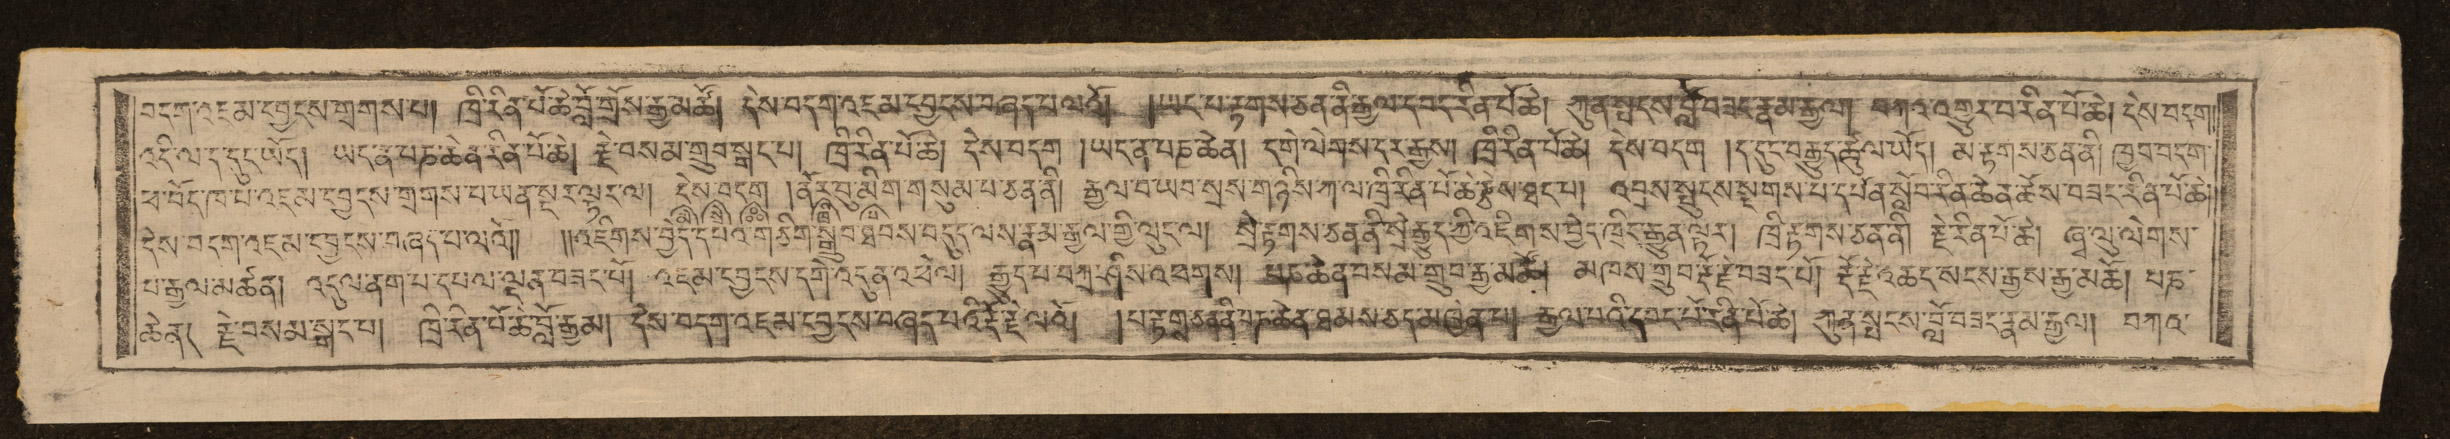བདག་འཇམ་དབྱངས་གྲགས་པ། ཁྲི་རིན་པོ་ཆེ་བློ་གྲོས་རྒྱ་མཚོ། དེས་བདག་འཇམ་དབྱངས་བཞད་པ་ལའོ། །ཡང་པ་རྟགས་ཅན་ནི་རྒྱལ་དབང་རིན་པོ་ཆེ། ཀུན་སྤངས་བློ་བཟང་རྣམ་རྒྱལ། བཀའ་འགྱུར་བ་རིན་པོ་ཆེ། དེས་བདག་
འདི་ལ་ད་དུང་ཡོད། ཡང་ན་པཎ་ཆེན་རིན་པོ་ཆེ། རྗེ་བསམ་གྲུབ་བསྒང་པ། ཁྲི་རིན་པོ་ཆེ། དེས་བདག །ཡང་ན་པཎ་ཆེན། དགེ་ལེགས་དར་རྒྱས། ཁྲི་རིན་པོ་ཆེ། དེས་བདག །ད་དུང་བརྒྱུད་ཚུལ་ཡོད། མ་རྟགས་ཅན་ནི། ཁྱབ་བདག་
ཕ་བོད་ཁ་པ་འཇམ་དབྱངས་གྲགས་པ་ཡན་སྔར་ལྟར་ལ། དེས་བདག །ནོར་བུ་མིག་གསུམ་པ་ཅན་ནི། རྒྱལ་བ་ཡབ་སྲས་གཉིས་ཀ་ལ་ཁྲི་རིན་པོ་ཆེ་རྩེས་ཐད་པ། འབྲས་སྤུངས་སྔགས་པ་དཔོན་སློབ་རིན་ཆེན་ཆོས་བཟང་རིན་པོ་ཆེ།
དེས་བདག་འཇམ་དབྱངས་བཞད་པ་ལའོ།། །།འཇིགས་བྱེད་དཔའ་གཅིག་སྒྲུབ་ཐབས་བདུད་ལས་རྣམ་རྒྱལ་གྱི་ལུང་ལ། སྲེ་རྟགས་ཅན་ནི་སྲེ་རྒྱུད་ཀྱི་འཇིགས་བྱེད་ཁྲིར་རྒྱུན་ལྟར། ཁྲི་རྟགས་ཅན་ནི། རྗེ་རིན་པོ་ཆེ། ཞྭ་ལུ་ལེགས་
པ་རྒྱལ་མཚན། འདུལ་ནག་པ་དཔལ་ལྡན་བཟང་པོ། འཇམ་དབྱངས་དགེ་འདུན་འཕེལ། རྒྱུད་པ་བཀྲ་ཤིས་འཕགས། པཎ་ཆེན་བསམ་གྲུབ་རྒྱ་མཚོ། མཁས་གྲུབ་རྡོ་རྗེ་བཟང་པོ། རྡོ་རྗེ་འཆང་སངས་རྒྱས་རྒྱ་མཚོ། པཎ་
ཆེན། རྗེ་བསམ་སྒར་པ། ཁྲི་རིན་པོ་ཆེ་གློ་རྒྱལ། དེས་བདག་འཇམ་དབྱངས་བཞད་པའི་རྡོ་རྗེ་ལའོ། །པ་རྟགས་ཅན་ནི་པཎ་ཆེན་ཐམས་ཅད་མཁྱེན་པ། རྒྱལ་པའི་དབང་པོ་རིན་པོ་ཆེ། ཀུན་སྤངས་བློ་བཟང་རྣམ་རྒྱལ། བཀའ་